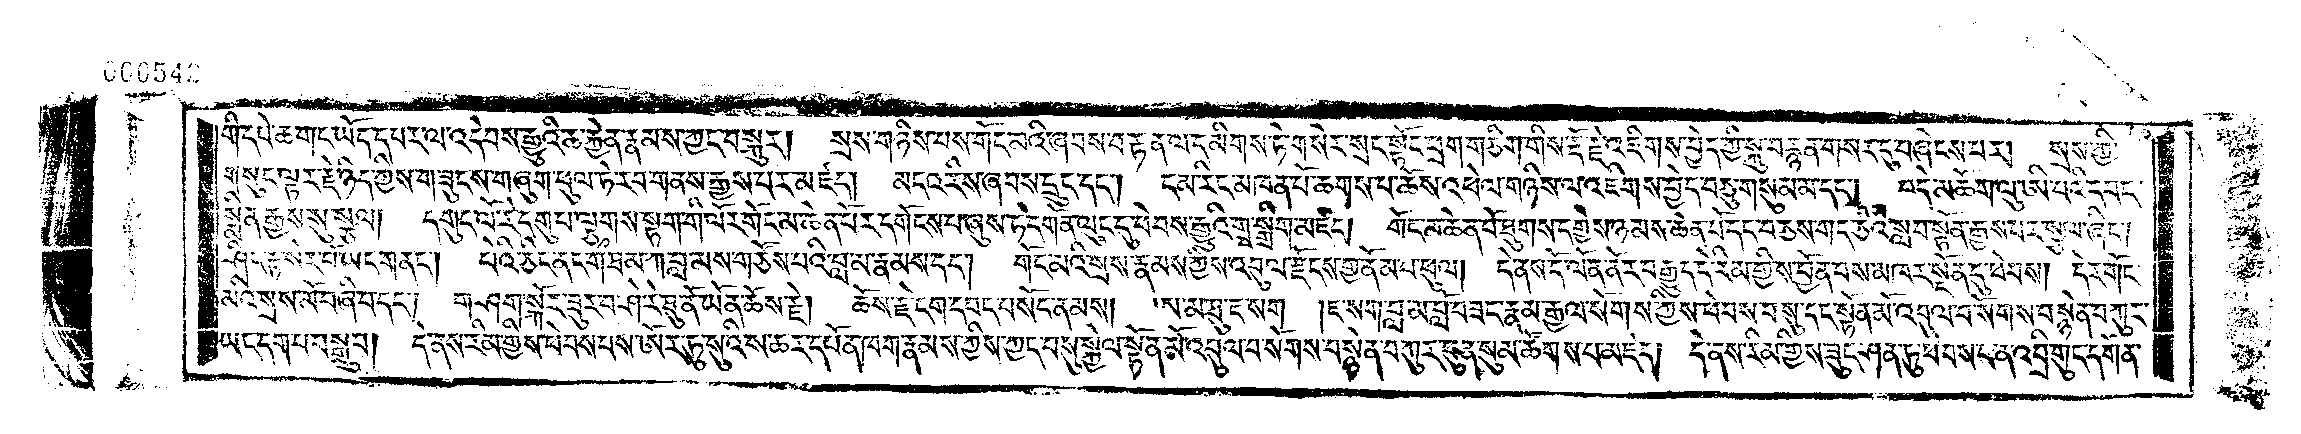གི་དཔེ་ཆ་གང་ཡོད་དཔར་ལ་འདེབས་རྒྱུའི་ཆ་རྐྱེན་རྣམས་ཀྱང་བསྐུར། སྲས་གཉིས་པས་གོང་མའི་ཞབས་བརྟན་ལ་དམིགས་ཏེ་གསེར་སྲད་སྟོང་ཕྲག་གཅིག་གིས་རྡོ་རྗེ་འཇིགས་བྱེད་ཀྱི་སྐུ་བརྙན་གསར་དུ་བཞེངས་པར། སྲས་ཀྱི་
གསུང་ལྟར་རྗེ་ཉིད་ཀྱིས་གཟུངས་གཞུག་ཕུལ་ཏེ་རབ་གནས་རྒྱས་པར་མཛད། མདའ་རིས་ཞབས་དྲུང་དང་། དམ་རིང་མཁན་པོ་ཆགས་པ་ཆོས་འཕེལ་གཉིས་ལ་འཇིགས་བྱེད་བཅུ་གསུམ་མ་དང་། བདེ་མཆོག་ལུ་ཨི་པའི་དབང་
སྨིན་རྒྱས་སུ་སྩལ། དགུང་ལོ་རེ་དགུ་པ་ལྕགས་སྟག་གི་ལོར་གོང་མ་ཆེན་པོར་དགོངས་པ་ཞུས་ཏེ་དགོན་ལུང་དུ་ཕེབས་རྒྱུའི་གྲྭ་སྒྲིག་མཛད། གོང་མ་ཆེན་པོ་ཐུགས་དགྱེས་ཉམས་ཆེན་པོ་དང་བཅས་གང་ཅིའི་སླབ་སྟོན་རྒྱས་པར་སྩལ་ཞིང་།
ཤིང་རྟ་སེར་པོ་ཡང་གནང་། པེའི་ཅིང་ནང་གྀ་ཐམ་ཀ་བླ་མས་གཙོས་པའི་བླ་མ་རྣམས་དང་། གོང་མའི་སྲས་རྣམས་ཀྱིས་འབུལ་རྫོངས་གྱ་ནོམ་པ་ཕུལ། དེ་ནས་དོ་ལོན་ནོར་བརྒྱུད་དེ་རིམ་གྱིས་བྱོན་བས་མཁར་སྔོན་དུ་ཕེབས། དེར་གོང་
མའི་སྲས་མོ་བཞི་པ་དང་། གཤག་སྐོར་ཟུར་བ་ཤེ་རེ་ཐུ་ནོ་ཡོན་ཆོས་རྗེ། ཆོས་རྗེ་ངག་དབང་བསོད་ནམས། ཨ་མ་ཐུ་ཇ་སག །ཇ་སག་བླ་མ་བློ་བཟང་རྣམ་རྒྱལ་སོགས་ཀྱིས་ཕེབས་བསུ་དང་སྟོན་མོ་འབུལ་བ་སོགས་བསྙེན་བཀུར་
ཡང་དག་པ་བསྒྲུབ། དེ་ནས་རིམ་གྱིས་ཕེབས་པས་ཨོར་ཏུ་སུའི་ས་ཆར་དཔོན་ཁག་རྣམས་ཀྱིས་ཀྱང་བསུ་སྐྱེལ་སྟོན་མོ་འབུལ་བ་སོགས་བསྙེན་བཀུར་ཕུན་སུམ་ཚོགས་པ་མཛད། དེ་ནས་རིམ་གྱིས་ཟུང་ཤན་ཏུ་ཕེབས་ཕན?་འབྲི་གུང་དགོན་